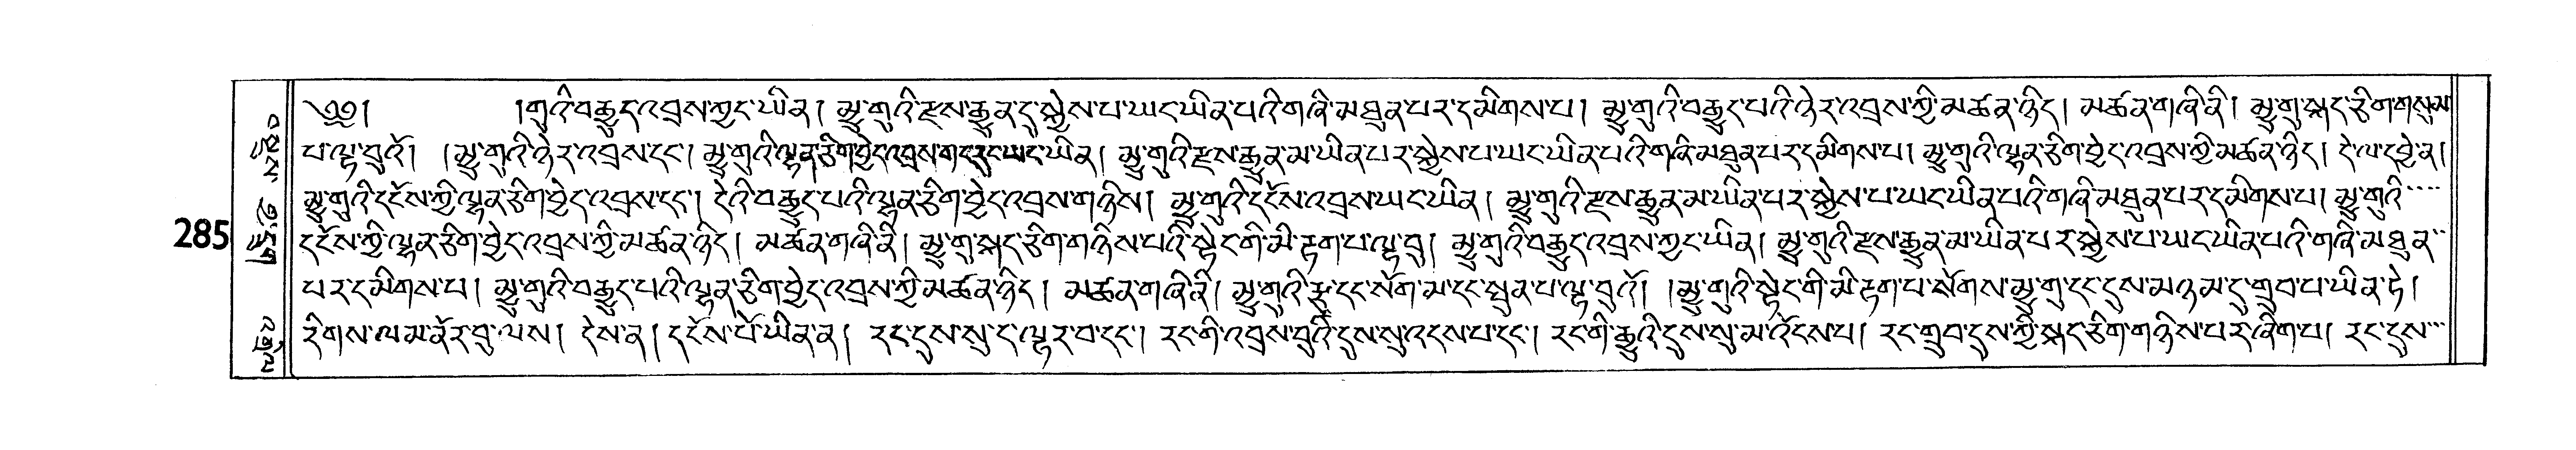༄༅། །གུའི་བརྒྱུད་འབྲས་ཀྱང་ཡིན། མྱུ་གུའི་རྫས་རྒྱུན་དུ་སྐྱེས་པ་ཡང་ཡིན་པའི་གཞི་མཐུན་པར་དམིགས་པ། མྱུ་གུའི་བརྒྱུད་པའི་ཉེར་འབྲས་ཀྱི་མཚན་ཉིད། མཚན་གཞི་ནི། མྱུ་གུ་སྐད་ཅིག་གསུམ་
པ་ལྟ་བུའོ། །མྱུ་གུའི་ཉེར་འབྲས་དང་། མྱུ་གུའི་ལྷན་ཅིག་བྱེད་འབྲས་གང་རུང་ཡང་ཡིན། མྱུ་གུའི་རྫས་རྒྱུན་མ་ཡིན་པར་སྐྱེས་པ་ཡང་ཡིན་པའི་གཞི་མཐུན་པར་དམིགས་པ། མྱུ་གུའི་ལྷན་ཅིག་བྱེད་འབྲས་ཀྱི་མཚན་ཉིད། དེ་ལ་དབྱེ་ན།
མྱུ་གུའི་དངོས་ཀྱི་ལྷན་ཅིག་བྱེད་འབྲས་དང་། དེའི་བརྒྱུད་པའི་ལྷན་ཅིག་བྱེད་འབྲས་གཉིས། མྱུ་གུའི་དངོས་འབྲས་ཡང་ཡིན། མྱུ་གུའི་རྫས་རྒྱུན་མ་ཡིན་པར་སྐྱེས་པ་ཡང་ཡིན་པའི་གཞི་མཐུན་པར་དམིགས་པ། མྱུ་གུའི་
དངོས་ཀྱི་ལྷན་ཅིག་བྱེད་འབྲས་ཀྱི་མཚན་ཉིད། མཚན་གཞི་ནི། མྱུ་གུ་སྐད་ཅིག་གཉིས་པའི་སྟེང་གི་མི་རྟག་པ་ལྟ་བུ། མྱུ་གུའི་བརྒྱུད་འབྲས་ཀྱང་ཡིན། མྱུ་གུའི་རྫས་རྒྱུན་མ་ཡིན་པར་སྐྱེས་པ་ཡང་ཡིན་པའི་གཞི་མཐུན་
པར་དམིགས་པ། མྱུ་གུའི་བརྒྱུད་པའི་ལྷན་ཅིག་བྱེད་འབྲས་ཀྱི་མཚན་ཉིད། མཚན་གཞི་ནི། མྱུ་གུའི་རྩ་དང་སོག་མ་དང་སྤུན་པ་ལྟ་བུའོ། །མྱུ་གུའི་སྟེང་གི་མི་རྟག་པ་སོགས་མྱུ་གུ་དང་དུས་མཉམ་དུ་གྲུབ་པ་ཡིན་ཏེ།
རིགས་ལམ་ནོར་བུ་ལས། དེས་ན། དངོས་པོ་ཡིན་ན། རང་དུས་སུ་ད་ལྟར་བ་དང་། རང་གི་འབྲས་བུའི་དུས་སུ་འདས་པ་དང་། རང་གི་རྒྱུའི་དུས་སུ་མ་འོངས་པ། རང་གྲུབ་དུས་ཀྱི་སྐད་ཅིག་གཉིས་པར་ཞིག་པ། རང་དུས་